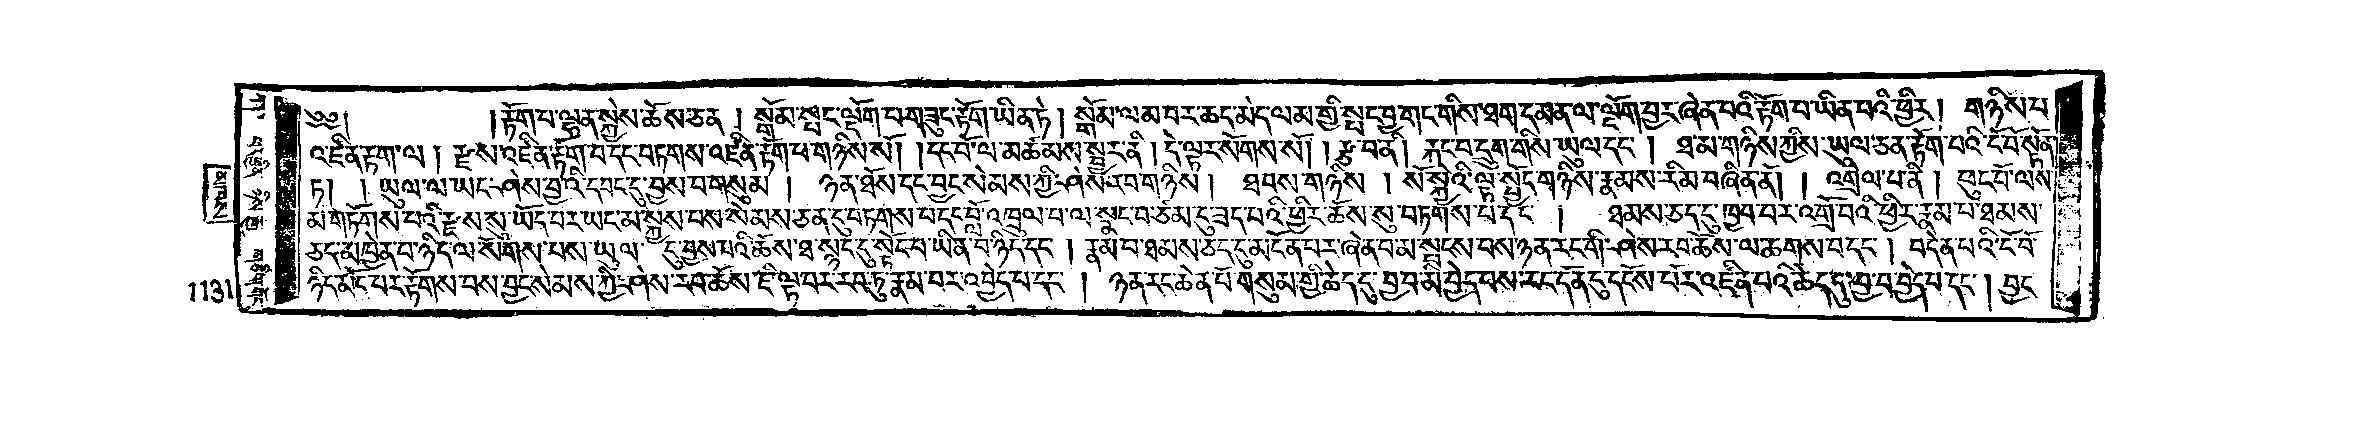ཕི༹རསཏ་༄༅། །རྟོག་པ་ལྷན་སྐྱེས་ཆོས་ཅན། སྒོམ་སྤང་ལྡོག་པ་གཟུང་རྟོག་ཡིན་ཏེ། སྒོམ་ལམ་བར་ཆད་མེད་ལམ་གྱི་སྤང་བྱ་གང་གིས་ཐེག་དམན་ལ་ལྡོག་བྱར་ཞེན་པའི་རྟོག་པ་ཡིན་པའི་ཕྱིར། གཉིས་པ་
འཛིན་རྟག་ལ། རྫས་འཛིན་རྟོག་པ་དང་བཏགས་འཛིན་རྟོག་པ་གཉིས་སོ། །དང་པོ་ལ་མཚམས་སྦྱར་ནི། དེ་ལྟར་སོགས་སོ། །རྩ་བ་ནི། རྐང་པ་དྲུག་གིས་ཡུལ་དང་། ཐ་མ་གཉིས་ཀྱིས་ཡུལ་ཅན་རྟོག་པའི་ངོ་བོ་སྟོན་
ཏོ། །ཡུལ་ལ་ཡང་ཤེས་བྱའི་དབང་དུ་བྱས་པ་གསུམ། ཉན་ཐོས་དང་བྱང་སེམས་ཀྱི་ཤེས་རབ་གཉིས། ཐབས་གཉིས། སོ་སྐྱེའི་ལྟ་སྤྱོད་གཉིས་རྣམས་རིམ་བཞིན་ནོ། །འགྲེལ་བ་ནི། ཕུང་པོ་ལས་
མ་གཏོགས་པའི་རྫས་སུ་ཡོད་པར་ཡང་མ་སྐྱེས་པས་སེམས་ཅན་དུ་བཏགས་པ་དང་བློ་འཁྲུལ་བ་ལ་སྣང་བ་ཙམ་དུ་ཟད་པའི་ཕྱིར་ཆོས་སུ་བཏགས་པ་དང་། ཐམས་ཅད་དུ་ཁྱབ་པར་འགྲོ་བའི་ཕྱིར་རྣམ་པ་ཐམས་
ཅད་མཁྱེན་པ་ཉིད་ལ་སོགས་པས་ཡུལ་དུ་བྱས་པའི་ཆོས་ཐ་སྙད་དུ་སྟོང་བ་ཡིན་པ་ཉིད་དང་། རྣམ་པ་ཐམས་ཅད་དུ་མངོན་པར་ཞེན་པ་མ་སྤངས་པས་ཉན་རང་གི་ཤེས་རབ་ཆོས་ལ་ཆགས་པ་དང་། བདེན་པའི་ངོ་བོ་
ཉིད་མོད་པར་རྟོགས་པས་བྱང་སེམས་ཀྱི་ཤེས་རབ་ཆོས་ཇི་ལྟ་བར་རབ་ཏུ་རྣམ་པར་འབྱེད་པ་དང་། ཉན་རང་ཆེན་པོ་གསུམ་གྱི་ཆེད་དུ་བྱ་བ་མི་བྱེད་པས་རང་དོན་དུ་དངོས་པོར་འཛིན་པའི་ཆེད་དུ་བྱ་བ་བྱེད་པ་དང་། བྱང་